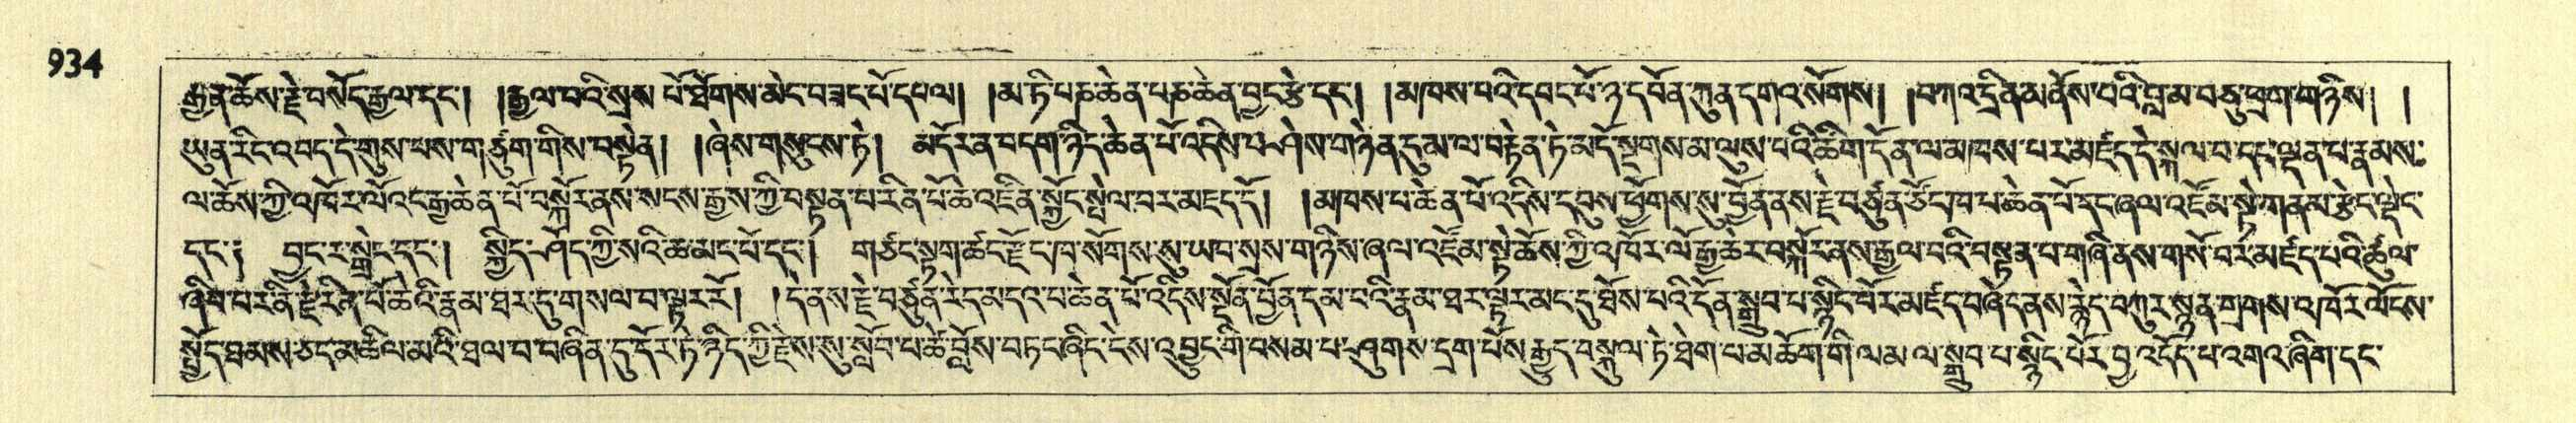རྒྱན་ཆོས་རྗེ་བསོད་རྒྱལ་དང་། །རྒྱལ་བའི་སྲས་པོ་ཐོགས་མེད་བཟང་པོ་དཔལ། །མ་ཏི་པཎ་ཆེན་པཎ་ཆེན་བྱང་རྩེ་དང་། །མཁས་བའི་དབང་པོ་ཉ་དཔོན་ཀུན་དགའ་སོགས། །བཀའ་དྲིན་མནོས་པའི་བླ་མ་བཅུ་ཕྲག་གཉིས། །
ཡུན་རིང་འབད་དེ་གུས་པས་གཙུག་གིས་བསྟེན། །ཞེས་གསུངས་ཏེ། མདོར་ན་བདག་ཉིད་ཆེན་པོ་འདིས་བཤེས་གཉེན་དུ་མ་ལ་བརྟེན་ཏེ་མདོ་སྔགས་མ་ལུས་པའི་ཚིག་དོན་ལ་མཁས་པར་མཛད་དེ་སྐལ་བ་དང་ལྡན་པ་རྣམས་
ལ་ཆོས་ཀྱི་འཁོར་ལོའང་རྒྱ་ཆེན་པོ་བསྐོར་ནས་སངས་རྒྱས་ཀྱི་བསྟན་པ་རིན་པོ་ཆེ་འཛིན་སྐྱོང་སྤེལ་བར་མཛད་དོ། །མཁས་པ་ཆེན་པོ་འདིས་དབུས་ཕྱོགས་སུ་བྱོན་ནས་རྗེ་བཙུན་ཙོང་ཁ་པ་ཆེན་པོ་དང་ཞལ་འཛོམ་སྟེ་གནམ་རྩེང་ལྡེང་
དང༑ བྱང་ར་སྒྲེང་དང་། སྐྱིད་ཤོད་ཀྱི་སའི་ཆ་མང་པོ་དང་། གཙང་སྟག་ཚང་རྫོང་ཁ་སོགས་སུ་ཡབ་སྲས་གཉིས་ཞལ་འཛོམ་སྟེ་ཆོས་ཀྱི་འཁོར་ལོ་རྒྱ་ཆེར་བསྐོར་ནས་རྒྱལ་བའི་བསྟན་པ་གཞི་ནས་གསོ་བར་མཛད་པའི་ཚུལ་
ཞིབ་པར་ནི་རྗེ་རིན་པོ་ཆེའི་རྣམ་ཐར་དུ་གསལ་བ་ལྟར་རོ། །དེ་ནས་རྗེ་བཙུན་རེད་མདའ་པ་ཆེན་པོ་འདིས་སྔོན་བྱོན་དམ་པའི་རྣམ་ཐར་ལྟར་མང་དུ་ཐོས་པའི་དོན་སྒྲུབ་པ་སྙིང་བོར་མཛད་བཞེད་ནས་རྙེད་བཀུར་སྙན་གྲགས་འཁོར་ལོངས་
སྤྱོད་ཐམས་ཅད་མཆིལ་མའི་ཐལ་བ་བཞིན་དུ་དོར་ཏེ་ཉིད་ཀྱི་རྗེས་སུ་སློབ་པ་ཚེ་བློས་བཏང་ཞིང་ངེས་འབྱུང་གི་བསམ་པ་ཤུགས་དྲག་པོས་རྒྱུད་བསྐུལ་ཏེ་ཐེག་པ་མཆོག་གི་ལམ་ལ་སྒྲུབ་པ་སྙིང་པོར་བྱ་འདོད་པ་འགའ་ཞིག་དང་